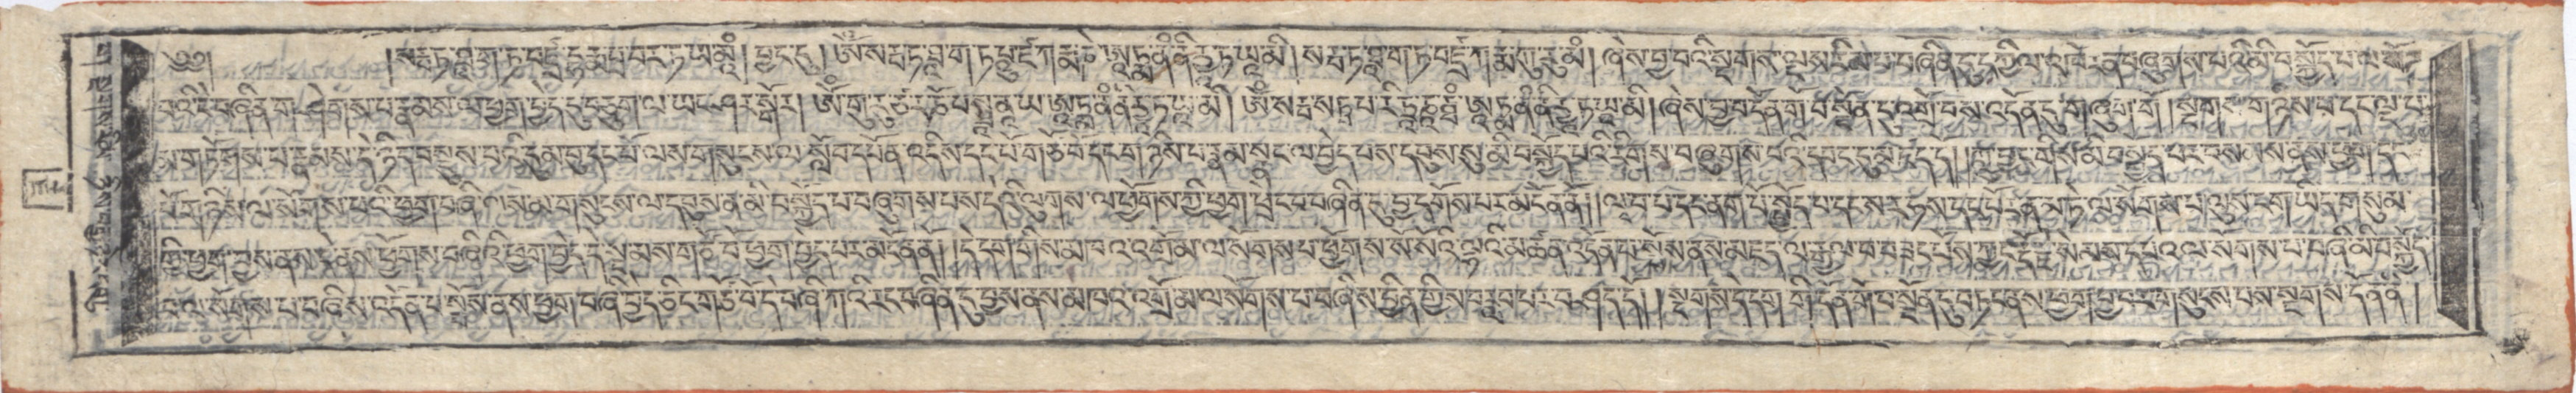༄༅། །སརྦ་ཏ་ཐཱ་ག་ཏ་བཛྲ་དྷརྨ་པྲ་བར་ཏ་ཡ་མའཾ། བྱང་དུ། ཨོཾ་སརྦ་ཏ་ཐཱ་ག་ཏ་པཱུ་ཛ་ཀརྨ་ཎེ་ཨཱཏྨ་ནཾ་ནིརྱཱ་ཏ་ཡཱ་མི། སརྦ་ཏ་ཐཱ་ག་ཏ་བཛྲ་ཀརྨ་ཀུ་རུ་མཾ། ཞེས་བྱ་བའི་སྔགས་ལྔས་རིམ་པ་བཞིན་དུ་དཀྱིལ་འཁོར་ན་བཞུགས་པའི་མི་བསྐྱོད་པ་ལ་སོགས་
པའི་དེ་བཞིན་གཤེགས་པ་རྣམས་ལ་ཕྱག་བྱེད་དུ་བཅུག་ལ་ཡང་ཤར་སྒོར། ཨོཾ་གུ་རུ་ཙ་ར་ཎོ་པསྠཱ་ནཱ་ཡ་ཨཱཏྨ་ནཾ་ནིརྱཱ་ཏ་ཡཱ་མི། ཨོཾ་སརྦ་སཏྭ་པ་རི་ཏྲཱ་ཎཱ་རཐཾ་ཨཱཏྨ་ནཾ་ནིརྱཱ་ཏ་ཡཱ་མི། ཞེས་བྱ་བ་དོན་གོ་བ་སྔོན་དུ་འགྲོ་བས་འདོན་དུ་གཞུག་གོ །སྔགས་གཉིས་པ་དང་ལྔ་པ་
མ་གཏོགས་པ་རྣམས་དེ་ཉིད་བསྡུས་པའི་དུམ་བུ་དང་པོ་ལས་གསུངས་ལ་སློབ་དཔོན་འདིས་དང་པོ་གཙོ་བོ་དང་གཉིས་པ་རྣམ་སྣང་ལ་བྱེད་པས་དབུས་སུ་མི་བསྐྱོད་པའི་རིགས་བཞུགས་པའི་དབང་དུ་མཛད་དོ། །ཀླུ་བྱང་གིས་མི་བསྐྱོད་པར་བསམས་ནས་ཕྱག་དང་
པོ་གཉིས་ལ་སོགས་པའི་ཕྱག་བཞི་ལས་མ་གསུངས་ལ་དབུས་ན་མི་བསྐྱོད་པ་བཞུགས་པས་དེའི་ལུགས་ལ་ཕྱོགས་ཀྱི་ཕྱག་ཕྲེང་བ་བཞིན་དུ་བྱ་དགོས་པར་མངོན་ནོ། །ལྭ་བ་པ་དང་ནག་པོ་སྤྱོད་པ་དང་ས་ར་ཧས་དང་པོར་ན་མ་ཏེ་ལ་སོགས་པ་ལུས་ངག་ཡིད་གསུམ་
གྱི་ཕྱག་བྱས་ནས་དེ་ནས་ཕྱོགས་བཞིའི་ཕྱག་བྱེད་དེ་སྔ་མས་གཙོ་བོ་ཕྱག་བྱེད་པར་མངོན་ནོ། །དེ་དག་གིས་མཁའ་འགྲོ་མ་ལ་སོགས་པ་ཕྱོགས་སོ་སོའི་ལྷའི་མཚན་འདོན་པ་སྤོས་ནས་མཛད་ལ་རྒྱལ་བ་བཟང་པོས་ཀྱང་རྡོ་རྗེ་སེམས་དཔའ་ལ་སོགས་པ་བཞི་མི་བསྐྱོད་
པ་ལ་སོགས་པ་བཞིས་འདོན་པ་སྤོས་ནས་ཕྱག་བཞི་བྱེད་ཅིང་གཙོ་བོ་དེ་བཞི་ཀའི་རང་བཞིན་དུ་བྱས་ནས་མཁའ་འགྲོ་མ་ལ་སོགས་པ་བཞིས་བྱིན་གྱིས་བརླབ་པར་བཤད་དོ། །སྔགས་དེ་དག་གི་དོན་གོ་བ་སྔོན་དུ་བཏང་ནས་ཕྱག་བྱ་བར་གསུངས་པས་སྔགས་དོན་ནི།